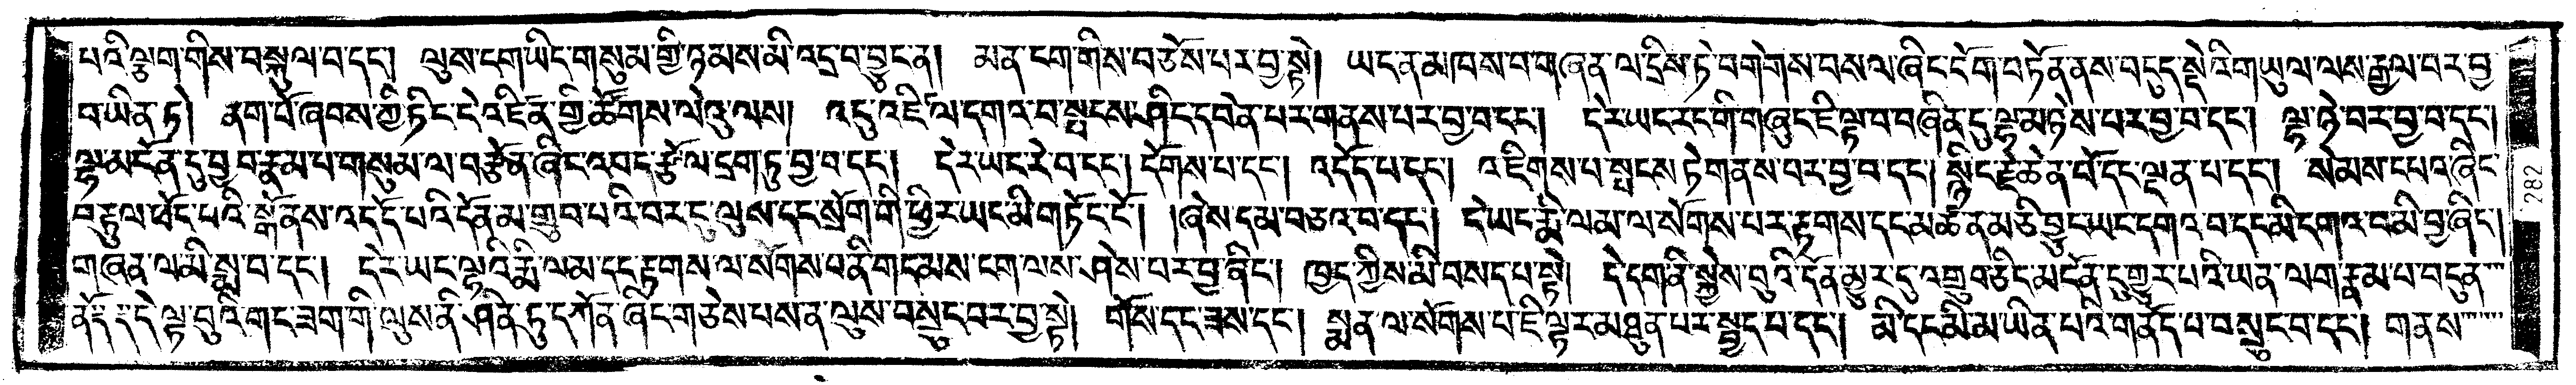པའི་ལྕག་གིས་བསྐུལ་བ་དང་། ལུས་ངག་ཡིད་གསུམ་གྱི་ཉམས་མི་འདྲ་བ་བྱུང་ན། མན་ངག་གིས་བཅོས་པར་བྱ་སྟེ། ཡང་ན་མཁས་པ་གཞན་ལ་དྲིས་ཏེ་བགེགས་བསལ་ཞིང་དོག་བཏོན་ནས་བདུད་སྡེའི་གཡུལ་ལས་རྒྱལ་བར་བྱ་
བ་ཡིན་ཏེ། ནག་པོ་ཞབས་ཀྱི་ཏིང་ངེ་འཛིན་གྱི་ཚོགས་ལེའུ་ལས། འདུ་འཛིལ་དགའ་བ་སྤངས་ཤིང་དབེན་པར་གནས་པར་བྱ་བ་དང་། དེར་ཡང་རང་གི་གཞུང་ཇི་ལྟ་བ་བཞིན་དུ་ལྷ་མཉེས་པར་བྱ་བ་དང་། ལྷ་ཉེ་བར་བྱ་བ་དང་།
ལྷ་མངོན་དུ་བྱ་བ་རྣམ་པ་གསུམ་ལ་བརྩོན་ཞིང་འབད་རྩོལ་དྲག་ཏུ་བྱ་བ་དང་། དེར་ཡང་རེ་བ་དང་། དོགས་པ་དང་། འདོད་པ་དང་། འཇིགས་པ་སྤངས་ཏེ་གནས་པར་བྱ་བ་དང་། སྙིང་རྗེ་ཆེན་པོ་དང་ལྡན་པ་དང་། སེམས་དཔའ་ཞིང་
བརྟུལ་ཕོང་པའི་སྒོ་ནས་འདོད་པའི་དོན་མ་གྲུབ་པའི་བར་དུ་ལུས་དང་སྲོག་གི་ཕྱིར་ཡང་མི་གཏོང་ངོ། །ཞེས་དམ་བཅའ་བ་དང་། དེ་ཡང་རྨི་ལམ་ལ་སོགས་པར་རྟགས་དང་མཚན་མ་ཅི་བྱུང་ཡང་དགའ་བ་དང་མི་དགའ་བ་མི་བྱ་ཞིང་།
གཞན་ལ་མི་སྨྲ་བ་དང་། དེར་ཡང་ལྷའི་རྨི་ལམ་དང་རྟགས་ལ་སོགས་པ་ནི་གདམས་ངག་ལས་ཤེས་པར་བྱ་ཞིང་། ཁྱད་ཀྱིས་མི་བསད་པ་སྟེ། དེ་དག་ནི་སྐྱེས་བུའི་དོན་མྱུར་དུ་འགྲུབ་ཅིང་མངོན་དུ་གྱུར་པའི་ཡན་ལག་རྣམ་པ་བདུན་
ནོ༑ ༑དེ་ལྟ་བུའི་གང་ཟག་གི་ལུས་ནི་ཤིན་ཏུ་དཀོན་ཞིང་གཅེས་པས་ན་ལུས་བསྲུང་བར་བྱ་སྟེ། གོས་དང་ཟས་དང་། སྨན་ལ་སོགས་པ་ཇི་ལྟར་མཐུན་པར་སྤྱད་པ་དང་། མི་དང་མི་མ་ཡིན་པའི་གནོད་པ་བསྲུང་བ་དང་། གནས་